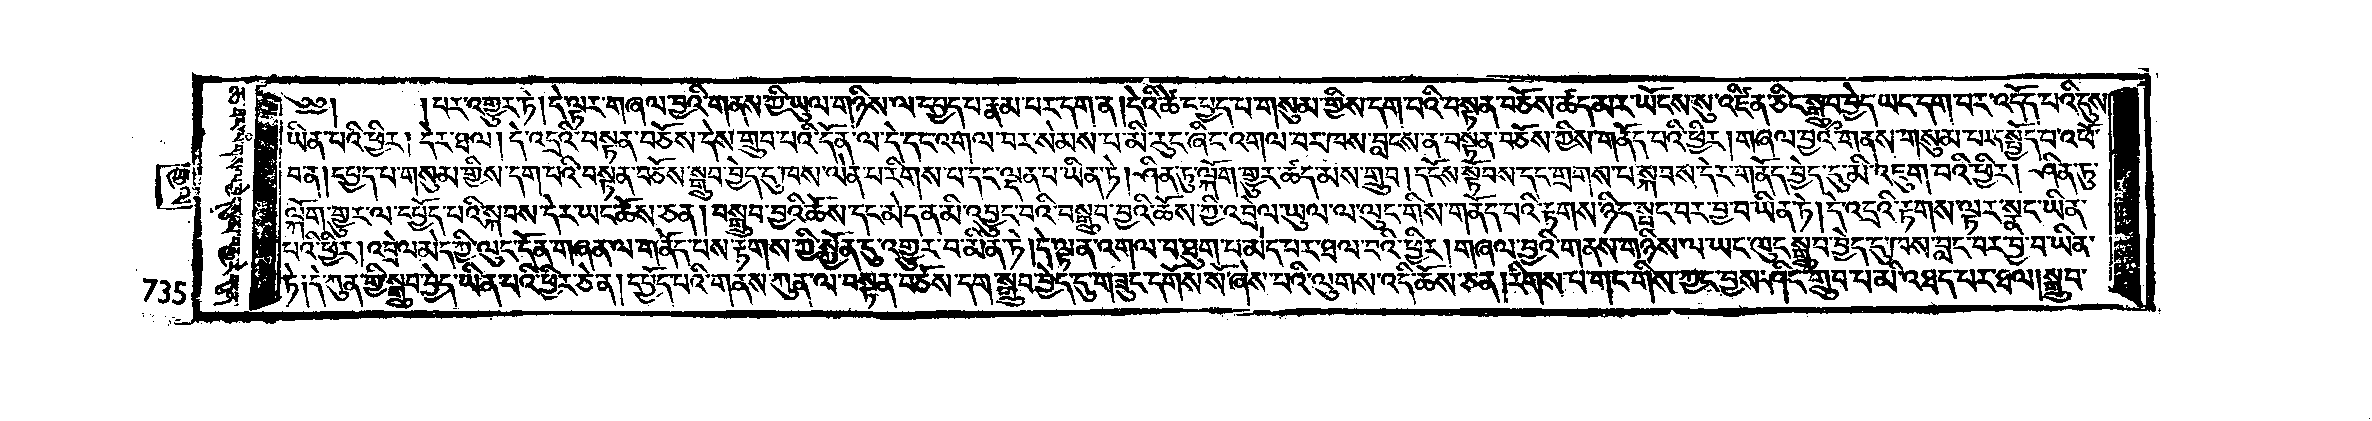༄༅། །པར་འགྱུར་ཏེ། དེ་ལྟར་གཞལ་བྱའི་གནས་ཀྱི་ཡུལ་གཉིས་ལ་དཔྱད་པ་རྣམ་པར་དག་ན། དེའི་ཚེ་དཔྱད་པ་གསུམ་གྱིས་དག་པའི་བསྟན་བཅོས་ཚད་མར་ཡོངས་སུ་འཛིན་ཅིང་སྒྲུབ་བྱེད་ཡང་དག་པར་འདོད་པའི་དུས་
ཡིན་པའི་ཕྱིར། དེར་ཐལ། དེ་འདྲའི་བསྟན་བཅོས་དེས་གྲུབ་པའི་དོན་ལ་དེ་དང་འགལ་བར་སེམས་པ་མི་རུང་ཞིང་འགལ་བར་ཁས་བླངས་ན་བསྟན་བཅོས་ཀྱིས་གནོད་པའི་ཕྱིར། གཞལ་བྱའི་གནས་གསུམ་པར་སྤྱོད་པ་འཕོ་
བ་ན། དཔྱད་པ་གསུམ་གྱིས་དག་པའི་བསྟན་བཅོས་སྒྲུབ་བྱེད་དུ་ཁས་ལེན་པ་རིགས་པ་དང་ལྡན་པ་ཡིན་ཏེ། ཤིན་ཏུ་ལྐོག་གྱུར་ཚད་མས་གྲུབ། དངོས་སྟོབས་དང་གྲགས་པ་སྐབས་དེར་གནོད་བྱེད་དུ་མི་འཇུག་པའི་ཕྱིར། ཤིན་ཏུ་
ལྐོག་གྱུར་ལ་དཔྱོད་པའི་སྐབས་དེར་ཡང་ཆོས་ཅན། བསྒྲུབ་བྱའི་ཆོས་དང་མེད་ན་མི་འབྱུང་བའི་བསྒྲུབ་བྱའི་ཆོས་ཀྱི་འབྲེལ་ཡུལ་ལ་ལུང་གིས་གནོད་པའི་རྟགས་ཉིད་སྤང་བར་བྱ་བ་ཡིན་ཏེ། དེ་འདྲའི་རྟགས་ལྟར་སྣང་ཡིན་
པའི་ཕྱིར། འབྲེལ་མེད་ཀྱི་ལུང་དོན་གཞན་ལ་གནོད་པས་རྟགས་ཀྱི་སྐྱོན་དུ་འགྱུར་བ་མིན་ཏེ། དེ་ལྟ་ན་འགལ་བ་ཐུག་པ་མེད་པར་ཐལ་བའི་ཕྱིར། གཞལ་བྱའི་གནས་གཉིས་ལ་ཡང་ལུང་སྒྲུབ་བྱེད་དུ་ཁས་བླང་བར་བྱ་བ་ཡིན་
ཏེ། དེ་ཀུན་གྱི་སྒྲུབ་བྱེད་ཡིན་པའི་ཕྱིར་ཅེ་ན། དཔྱོད་པའི་གནས་ཀུན་ལ་བསྟན་བཅོས་དག་སྒྲུབ་བྱེད་དུ་གཟུང་དགོས་སོ་ཞེས་པའི་ལུགས་འདི་ཆོས་ཅན། རིགས་པ་གང་གིས་ཀྱང་བྱས་ཤིང་གྲུབ་པ་མི་འཐད་པར་ཐལ། སྒྲུབ་